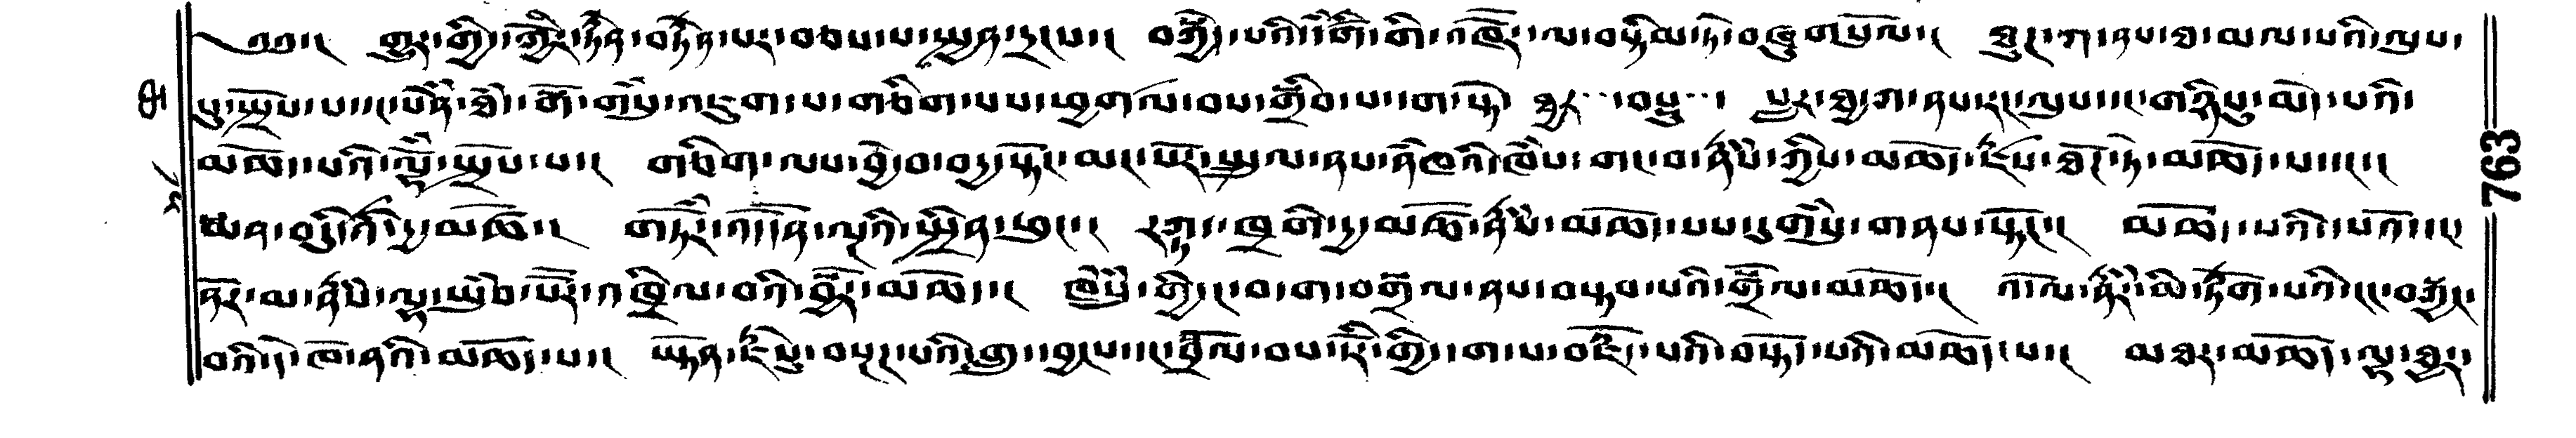གྱུར་གྱི་དཀྱིལ་འཁོར་རྟེན་བརྟེན་པར་བཅས་པ་སྤྱན་དྲངས། བསྐྱེད་པའི་དམ་ཚིག་གི་འཁོར་ལོ་ལ་བསྟིམ་ཏེ་བཞུགས་སུ་གསོལ། ཐུགས་ཀ་ནས་ཐ་མལ་པའི་ལུས་
སུ་སྤྲོས་པ་དང་སེམས་ཅན་ཐམས་ཅད་སྒོ་གསུམ་འཇུག་པ་གཅིག་པས་ཕྱག་འཚལ་བས་སྒྲིབ་པ་དག་སྟེ་ཐུགས་ཀར་བསྡུ། སླར་ཐུགས་ཀ་ནས་རང་ལུས་དང་གཉིས་སུ་མེད་པའི་
མཆོད་པའི་ལྷ་མོ་སྤྲོས་པ་གཅིག་ལས་བྱེ་བ་བརྒྱ་སྟོང་མང་པོར་སྤྲུལ་ནས་ནམ་མཁའི་ཁམས་གང་བ་རྣམས་ཀྱིས་མཆོད་རྫས་ཐོགས་ཏེ་མཆོད་པ་དང་། 
སྨན་བདུད་རྩིའི་རྒྱ་མཚོ། གཏོར་མ་འདོད་ཡོན་ལྔའི་སྤྲིན་ཕུང་། རཀྟ་ཁྲག་གི་རྒྱ་མཚོ་རྣམས་མཆོད་པས་དུག་གསུམ་གནས་སྟོངས། མཆོད་པའི་དཔའ་བོ་དང་
རྣལ་འབྱོར་མ་རྣམས་ལྷ་ཡབ་ཡུམ་སོ་སོར་འཁྲིལ་བའི་སྦྱོར་མཆོད། ཁམས་གསུམ་གྱི་ང་བདག་བསྒྲལ་ནས་བསྟབ་པའི་སྒྲོལ་མཆོད། འོད་གསལ་རྣམ་པར་མི་རྟོག་པའི་ངང་བསྐྱང་
བའི་དེ་ཁོ་ནའི་མཆོད་པ། ཡོན་ཏན་རྗེས་སུ་བསྔགས་པའི་གླུ་དབྱངས་དང་སྦྲེལ་བས་དཀྱིལ་འཁོར་གྱི་དག་པ་བརྗོད་པ་བསྟོད་པའི་མཆོད་པ། མཐར་མཆོད་ལྷ་ཐུགས་ཀར་